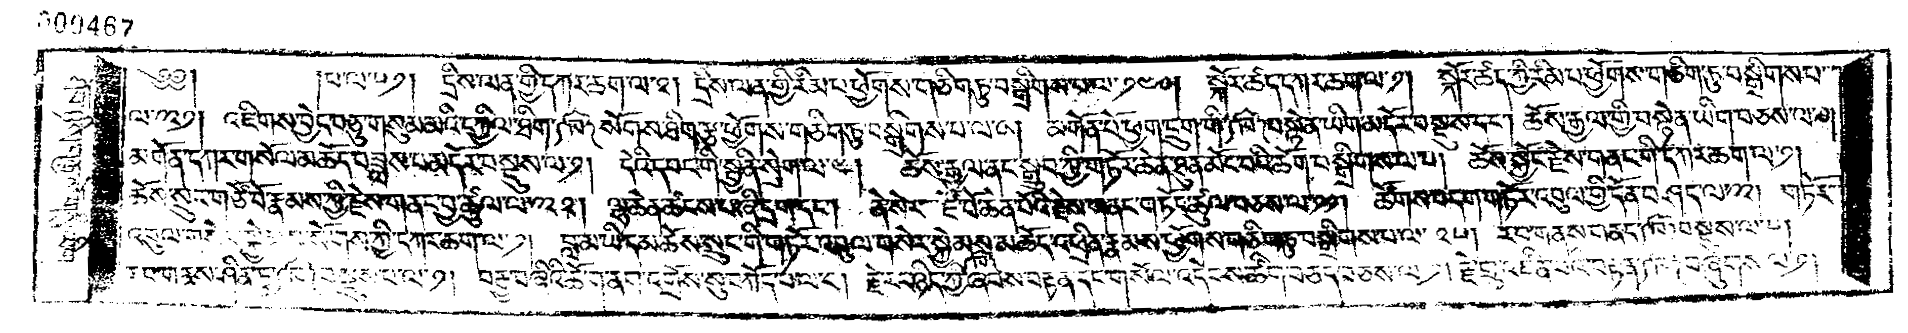༄༅། །པ་ལ ༥༡། དྲིས་ལན་གྱི་དཀར་ཆག་ལ ༢། དྲིས་ལན་གྱི་རིམ་པ་ཕྱོགས་གཅིག་ཏུ་བསྒྲིགས་པ་ལ ༡༤༠། སྐོར་ཚད་དཀར་ཆག་ལ ༡། སྐོར་ཚད་ཀྱི་རིམ་པ་ཕྱོགས་གཅིག་ཏུ་བསྒྲིགས་པ་
ལ ༣༡། འཇིགས་བྱེད་བཅུ་གསུམ་མའི་དཀྱིལ་ཐིག ༼ཁ༽ སོགས་ཐིག་རྩེ་ཕྱོགས་གཅིག་ཏུ་བསྒྲིགས་པ་ལ ༦། མགོན་པོ་ཕྱག་དྲུག་གི ༼ཁ༽ བསྙེན་ཡིག་མདོར་བསྡུད་དང་། ཆོས་རྒྱལ་གྱི་བསྙེན་ཡིག་བཅས་ལ ༦།
མགོན་དཀར་གསོལ་མཆོད་བསླས་པ་མདོར་བསྡུས་ལ ༡། དེའི་དབང་གི་སྦྱིན་སྲེག་ལ ༤། ཆོས་རྒྱལ་ནང་སྒྲུབ་ཀྱི་གཏོར་ཆེན་ཐུན་མོང་པའི་ཆོག་བསྒྲིགས་ལ ༥། ཆོས་སྐྱོང་རྗེས་གནང་གི་དཀར་ཆག་ལ ༡།
ཆོས་སྲུང་གཙོ་བོ་རྣམས་ཀྱི་རྗེས་གནང་བྱ་ཚུལ་ལ ༣༢། ལྷ་ཆེན་ཚང་པ་ཞི་དྲག་དང་། ནེ་སེར་ཇོ་བོ་ཆེན་པོའི་རྗེས་གནང་བཏོང་ཚུལ་བཅས་ལ ༡༡། ཚོགས་བདག་གཏོར་དབུལ་གྱི་དོན་བཤད་ལ ༣། གཏོར་
འབུལ་གསེར་སྐྱེམས་སོགས་ཀྱི་དཀར་ཆག་ལ ༡། བླ་མ་དམ་ཆོས་སྲུང་གི་གཏོར་འབྱུལ་གསེར་སྐྱེམས་མཆོད་འཕྲིན་རྣམས་ཕྱོགས་གཅིག་ཏུ་བསྒྲིགས་པ་ལ ༢༥། རབ་གནས་གནད ༼ཁ༽ བསྡུས་ལ ༥།
རབ་གནས་ཤིན་ཏུ ༼ཁ༽ བསྡུད་པ་ལ ༡། བརྒྱ་བཞིའི་ཆོག་ནག་འགྲོས་སུ་བཀོད་པ་ལ ༨། རྗེ་རང་ཉིད་ཀྱི་ཞབས་བརྟེན་དང་གསོལ་འདེབས་ཚིག་བཅད་བཅས་ལ༡། རྗེ་གྲུ་འཛིན་པའི་བརྟེན ༼ཁ༽ བཞུགས་ལ ༡།